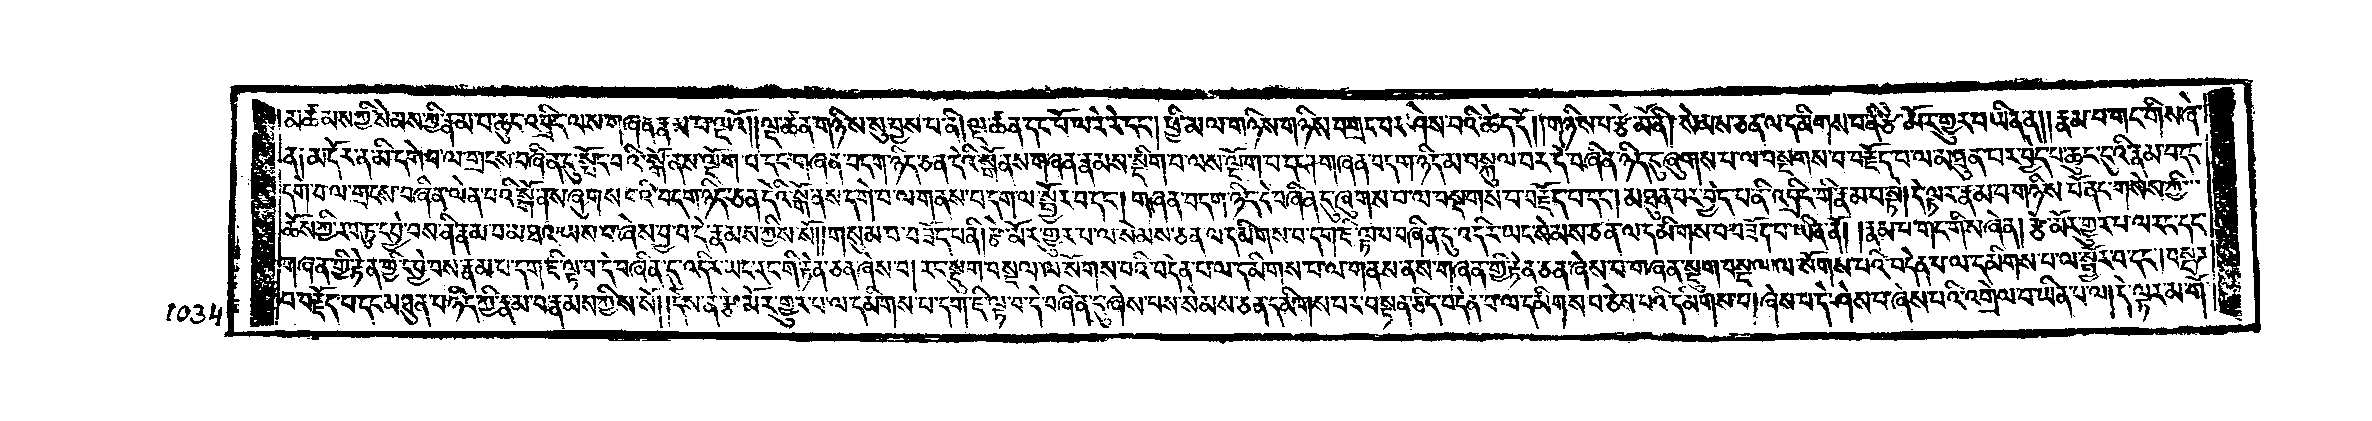མཚམས་ཀྱི་སེམས་ཀྱི་རྣམ་པ་ཆུང་འབྲིང་ལས་གཞན་རྣམ་པ་ལྔའོ། །ལྔ་ཚན་གཉིས་སུ་བྱས་པ་ནི། ལྔ་ཚན་དང་པོ་ལ་རེ་རེ་དང་། ཕྱི་མ་ལ་གཉིས་གཉིས་བགྲང་བར་ཤེས་པའི་ཆེད་དོ། །གཉིས་པ་རྩེ་མོ་ནི། སེམས་ཅན་ལ་དམིགས་པ་ནི་རྩེ་མོར་གྱུར་བ་ཡིན་ན། །རྣམ་པ་གང་གིས་ཞེ་
ན༑ མདོར་ན་མི་དགེ་བ་ལ་གྲངས་བཞིན་དུ་སྤོང་བའི་སྒོ་ནས་ལྡོག་པ་དང་གཞན་བདག་ཉིད་ཅན་དེའི་སྒོ་ནས་གཞན་རྣམས་སྡིག་པ་ལས་ལྡོག་པ་དང་། གཞན་བདག་ཉིད་མ་བསྐུལ་བར་དེ་བཞིན་ཉིད་དུ་ཞུགས་པ་ལ་བསྔགས་པ་བརྗོད་པ་ལ་མཐུན་པར་བྱེད་པ་ཆུང་ངུའི་རྣམ་པ་དང་
དགེ་བ་ལ་གྲངས་བཞིན་ལེན་པའི་སྒོ་ནས་ཞུགས་པའི་བདག་ཉིད་ཅན་དེའི་སྒོ་ནས་དགེ་བ་ལ་གནས་པ་དག་ལ་སྦྱོར་བ་དང་། གཞན་བདག་ཉིད་དེ་བཞིན་དུ་ཞུགས་པ་ལ་བསྔགས་པ་བརྗོད་པ་དང་། མཐུན་པར་བྱེད་པ་ནི་འབྲིང་གི་རྣམ་པ་སྟེ། དེ་ལྟར་རྣམ་པ་གཉིས་པོ་ནང་གསེས་ཀྱི་
ཆོས་ཀྱི་རབ་ཏུ་དབྱེ་བས་ནི་རྣམ་པ་མཐའ་ཡས་པ་ཞེས་བྱ་བ་དེ་རྣམས་ཀྱིས་སོ། །གསུམ་པ་བཟོད་པ་ནི། རྩེ་མོར་གྱུར་པ་ལ་སེམས་ཅན་ལ་དམིགས་པ་དག་ཇི་ལྟ་བ་བཞིན་དུ་འདིར་ཡང་སེམས་ཅན་ལ་དམིགས་པ་བཟོད་པ་ཡིན་ནོ། །རྣམ་པ་གང་གིས་ཞེ་ན། རྩེ་མོར་གྱུར་པ་ལ་རང་དང་
གཞན་གྱི་རྟེན་གྱི་དབྱེ་བས་རྣམ་པ་དག་ཇི་ལྟ་བ་དེ་བཞིན་དུ་འདིར་ཡང་རང་གི་རྟེན་ཅན་ཞེས་པ། རང་སྡུག་བསྔལ་ལ་སོགས་པའི་བདེན་པ་ལ་དམིགས་པ་ལ་གནས་ནས་གཞན་གྱི་རྟེན་ཅན་ཞེས་པ་གཞན་སྡུག་བསྔལ་ལ་སོགས་པའི་བདེན་པ་ལ་དམིགས་པ་ལ་སྦྱོར་བ་དང་། བསྔགས་
པ་བརྗོད་པ་དང་མཐུན་པ་ཉིད་ཀྱི་རྣམ་པ་རྣམས་ཀྱིས་སོ། །དེས་ན་རྩེ་མོར་གྱུར་པ་ལ་དམིགས་པ་དག་ཇི་ལྟ་བ་དེ་བཞིན་དུ་ཞེས་པས་སེམས་ཅན་དམིགས་པར་བསྟན་ཅིང་བདེན་པ་ལ་དམིགས་པ་ཅེས་པའི་དམིགས་པ། ཞེས་པ་དེ་ཤེས་པ་ཞེས་པའི་འགྲེལ་པ་ཡིན་པ་ལ། དེ་ལྟར་མ་གོ་